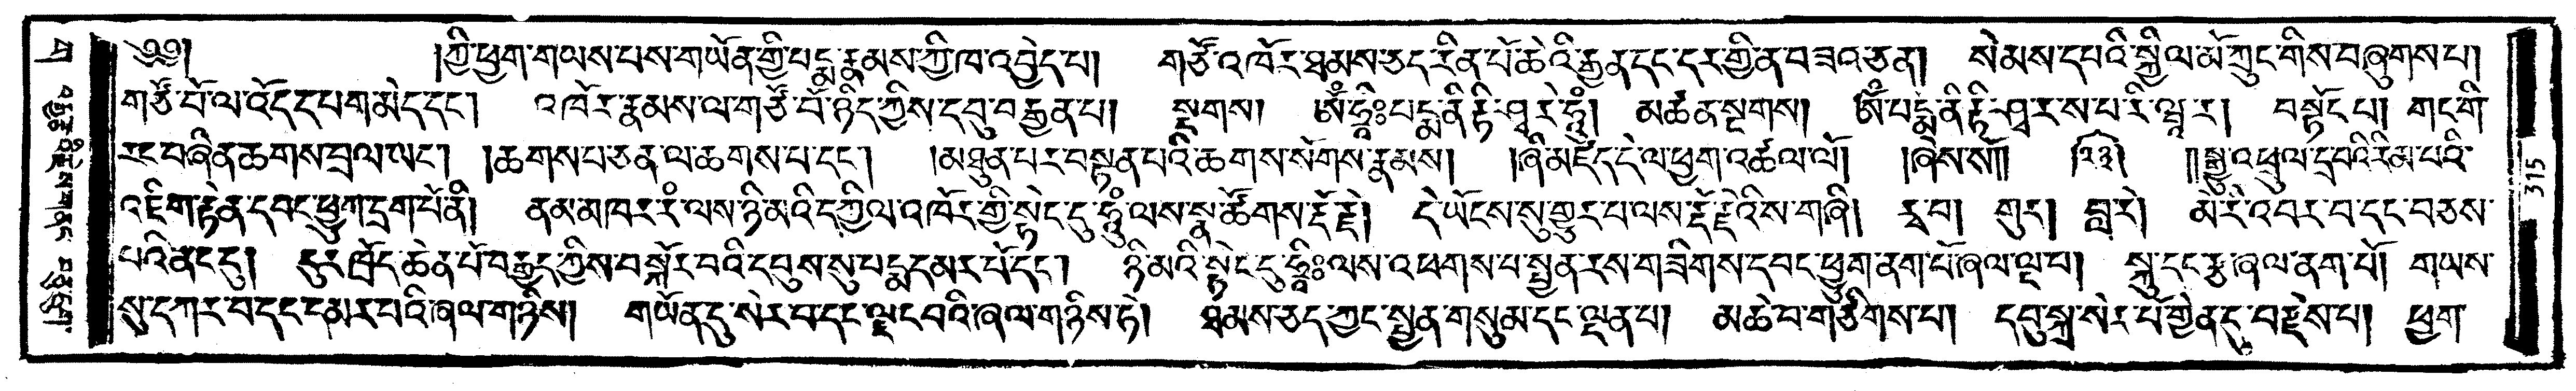༄༅། །ཀྱི་ཕྱག་གཡས་པས་གཡོན་གྱི་པདམ་རྣམས་ཀྱི་ཁ་འབྱེད་པ། གཙོ་འཁོར་ཐམས་ཅད་རིན་པོ་ཆེའི་རྒྱན་དང་དར་གྱི་ན་བཟའ་ཅན། སེམས་དཔའི་སྐྱིལ་མོ་ཀྲུང་གིས་བཞུགས་པ།
གཙོ་བོ་ལ་འོད་དཔག་མེད་དང་། འཁོར་རྣམས་ལ་གཙོ་བོ་ཉིད་ཀྱིས་དབུ་བརྒྱན་པ། སྔགས། ཨོཾ་ཧྲཱིཿཔདམ་ནི་རྟི་ཤྭ་རེ་ཧཱུཾ། མཚན་སྔགས། ཨོཾ་པདམ་ནི་རྟི་ཤྭ་ར་ས་པ་རི་ཝཱ་ར། བསྟོད་པ། གང་གི་
རང་བཞིན་ཆགས་བྲལ་ཡང་། །ཆགས་པ་ཅན་ལ་ཆགས་པ་དང་། །མཐུན་པར་བསྟན་པའི་ཆགས་སོགས་རྣམས། །ཞི་མཛད་དེ་ལ་ཕྱག་འཚལ་ལོ། །ཞེས་སོ།། ༢༣?་།།སྒྱུ་འཕྲུལ་དྲ་བའི་རིམ་པའི་
འཇིག་རྟེན་དབང་ཕྱུག་དྲག་པོ་ནི། ནམ་མཁར་རཾ་ལས་ཉི་མའི་དཀྱིལ་འཁོར་གྱི་སྟེང་དུ་ཧཱུཾ་ལས་སྣ་ཚོགས་རྡོ་རྗེ། དེ་ཡོངས་སུ་གྱུར་པ་ལས་རྡོ་རྗེའི་ས་གཞི། རྭ་བ། གུར། བླ་རེ། མེ་རི་འབར་བ་དང་བཅས་
པའི་ནང་དུ། དུར་ཁྲོད་ཆེན་པོ་བརྒྱད་ཀྱིས་བསྐོར་བའི་དབུས་སུ་པདམ་དམར་པོ་དང་། ཉི་མའི་སྟེང་དུ་ཧྲཱིཿལས་འཕགས་པ་སྤྱན་རས་གཟིགས་དབང་ཕྱུག་ནག་པོ་ཞལ་ལྔ་པ། སྐུ་དང་རྩ་ཞལ་ནག་པོ། གཡས་
སུ་དཀར་བ་དང་དམར་བའི་ཞལ་གཉིས། གཡོན་དུ་སེར་བ་དང་ལྗང་བའི་ཞལ་གཉིས་ཏེ། ཐམས་ཅད་ཀྱང་སྤྱན་གསུམ་དང་ལྡན་པ། མཆེ་བ་གཙིགས་པ། དབུ་སྐྲ་སེར་པོ་གྱེན་དུ་བརྫེས་པ། ཕྱག་